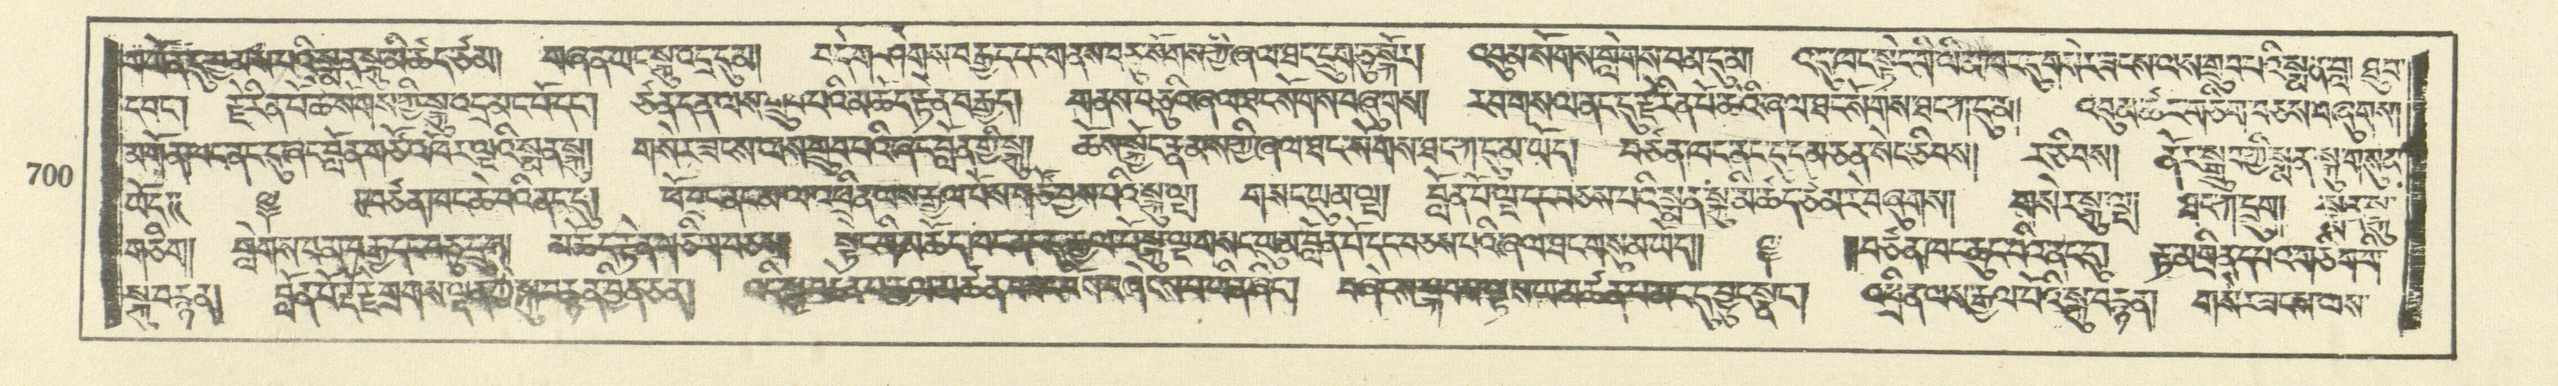གཡོན་དུ་བྱམས་པའི་སྨན་སྐུ་མི་ཚད་ཙམ། གཞན་ཡང་སྐུ་འདྲ་དུ་མ། བདེ་གཤེགས་བརྒྱད་དང་གནས་བཅུ་སོགས་ཀྱི་ཞལ་ཐང་དྲུག་ཅུ་སྐོར། འབུམ་སོགས་གླེགས་བམ་དུ་མ། འདུ་ཁང་སྟེང་གི་ལི་མ་ཁང་དུ་གསེར་ཟངས་ལས་གྲུབ་པའི་སྨན་བླ། ཐུབ་
དབང་། རྗེ་རིན་པོ་ཆེ་སོགས་ཀྱི་སྐུ་འདྲ་མང་པོ་དང་། ཙན་དན་ལས་གྲུབ་པའི་མཆོད་རྟེན་བརྒྱད། གནས་བཅུའི་ཞལ་ཐང་སོགས་བཞུགས། རབ་གསལ་ནང་དུ་རྗེ་རིན་པོ་ཆེའི་ཞལ་ཐང་སོགས་ཐང་ཀ་དུ་མ། བཅུ་མ་ཚར་གཅིག་བཅས་བཞུགས།
མགོན་ཁང་ནང་དུ་ཞང་བློན་གཙོ་འཁོར་ལྔའི་སྨན་སྐུ། གསེར་ཟངས་ལས་གྲུབ་པའི་ཞང་བློན་གྱི་སྐུ། ཆོས་སྐྱོང་རྣམས་ཀྱི་ཞལ་ཐང་སོགས་ཐང་ཀ་དུ་མ་ཡོད། བཙན་ཁང་ནང་དུ་དམ་ཅན་སེང་ཅིབས། ར་ཅིབས། ནོར་སྒྲུབ་ཀྱི་སྨན་སྐུ་གསུམ་
ཡོད༑༑ ༈ ༑༑བཙན་ཁང་ཆེ་བའི་ནང་དུ། ཕོ་བྲང་ནང་མ་ལ་འཕྲིན་ལས་རྒྱལ་པོས་གཙོ་བྱས་པའི་སྐུ་ལྔ། གསང་ཡུམ་ལྔ། བློན་པོ་ལྔ་དང་བཅས་པའི་སྨན་སྐུ་མི་ཚད་ཙམ་རེ་བཞུགས། གསེར་སྐུ་ལྔ། ཐང་ཀ་དྲུག། སྨན་སྐུ་
གཅིག། གླེགས་བམ་བརྒྱ་དང་བཅུ་དྲུག། མཆོད་རྟེན་གཅིག་བཅས། སྟེང་གི་མཆོད་ཁང་ནང་དུ་རྒྱལ་པོ་སྐུ་ལྔ་གསང་ཡུམ་བློན་པོ་དང་བཅས་པའི་ཞལ་ཐང་གསུམ་ཡོད།། ༈ །།བཙན་ཁང་ཆུང་བའི་ནང་དུ། རྟ་མགྲིན་དཔའ་གཅིག་གི་
སྐུ་བརྙན། བློན་པོ་རྡོ་རྗེ་གྲགས་ལྡན་གྱི་སྐུ་བརྙན་བྱིན་ཅན། འདི་སྐུ་བརྟེན་པ་རྒྱལ་མཚན་བཟང་པོས་བཞེངས་པ་ཡིན་ཞིང་། བཞེངས་སྐབས་ལྟས་ཡ་མཚན་པ་མང་དུ་བྱུང་སྣང་། འཕྲིན་ལས་རྒྱལ་པོའི་སྐུ་བརྙན། གསེར་ཟངས་ལས་